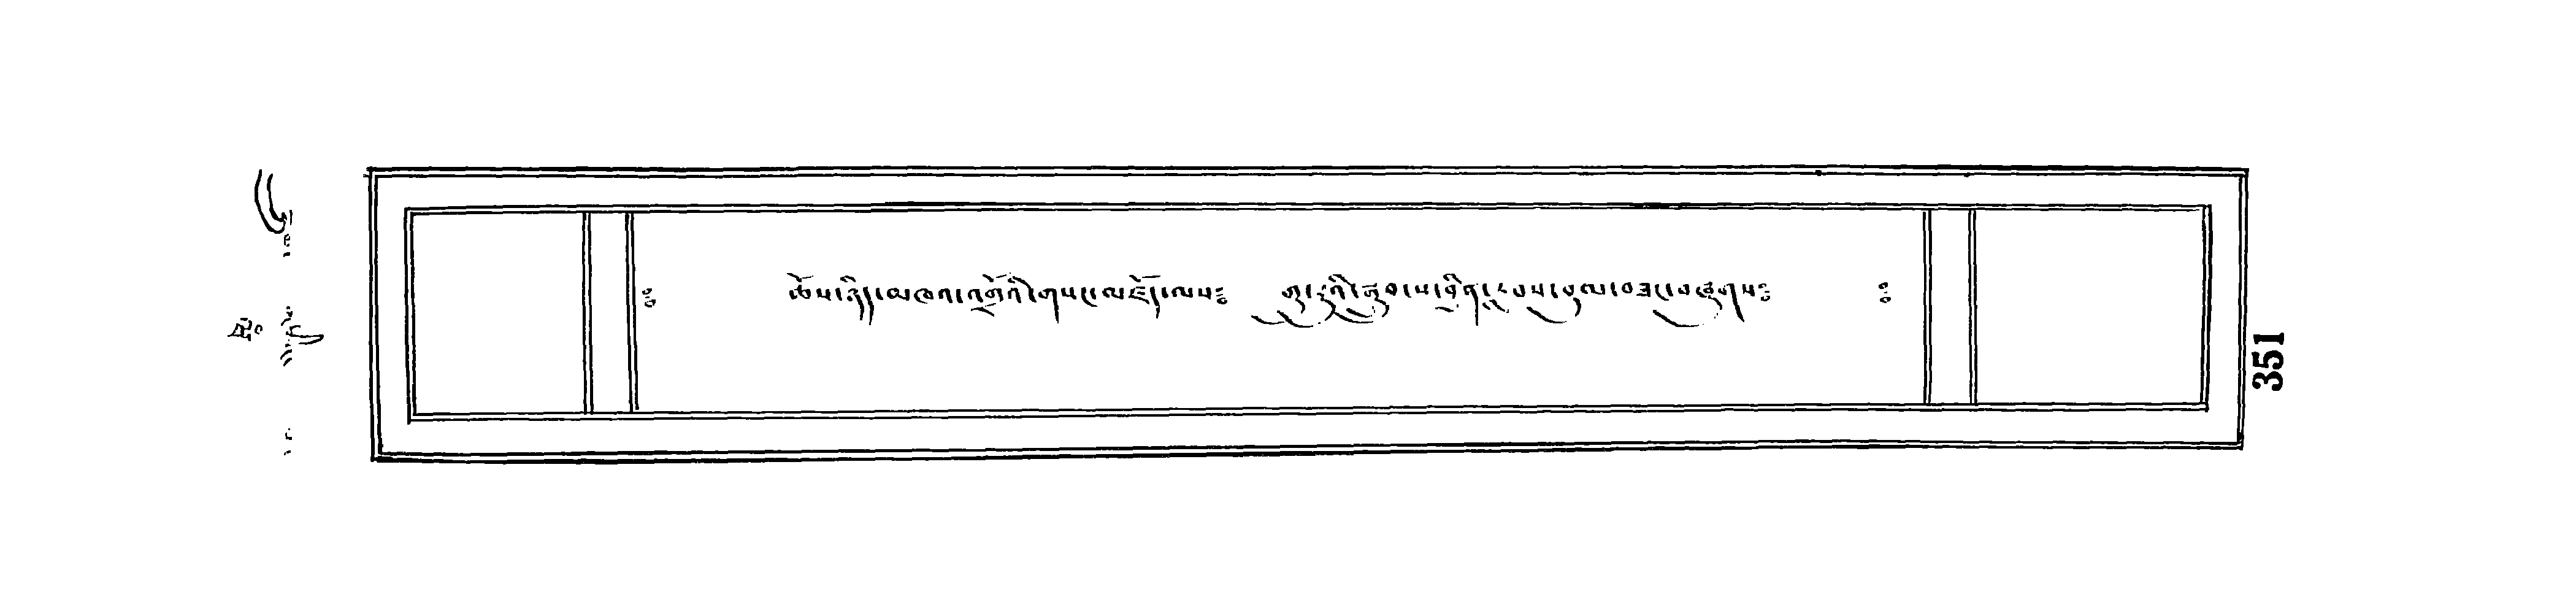ཆོས་ཉིད་མཁའ་འགྲོའི་གསང་མཛོད་ལས༔ གུ་རུའི་སྒྲུབ་པ་བྱིན་རླབས་བུམ་བཟང་བཞུགས༔